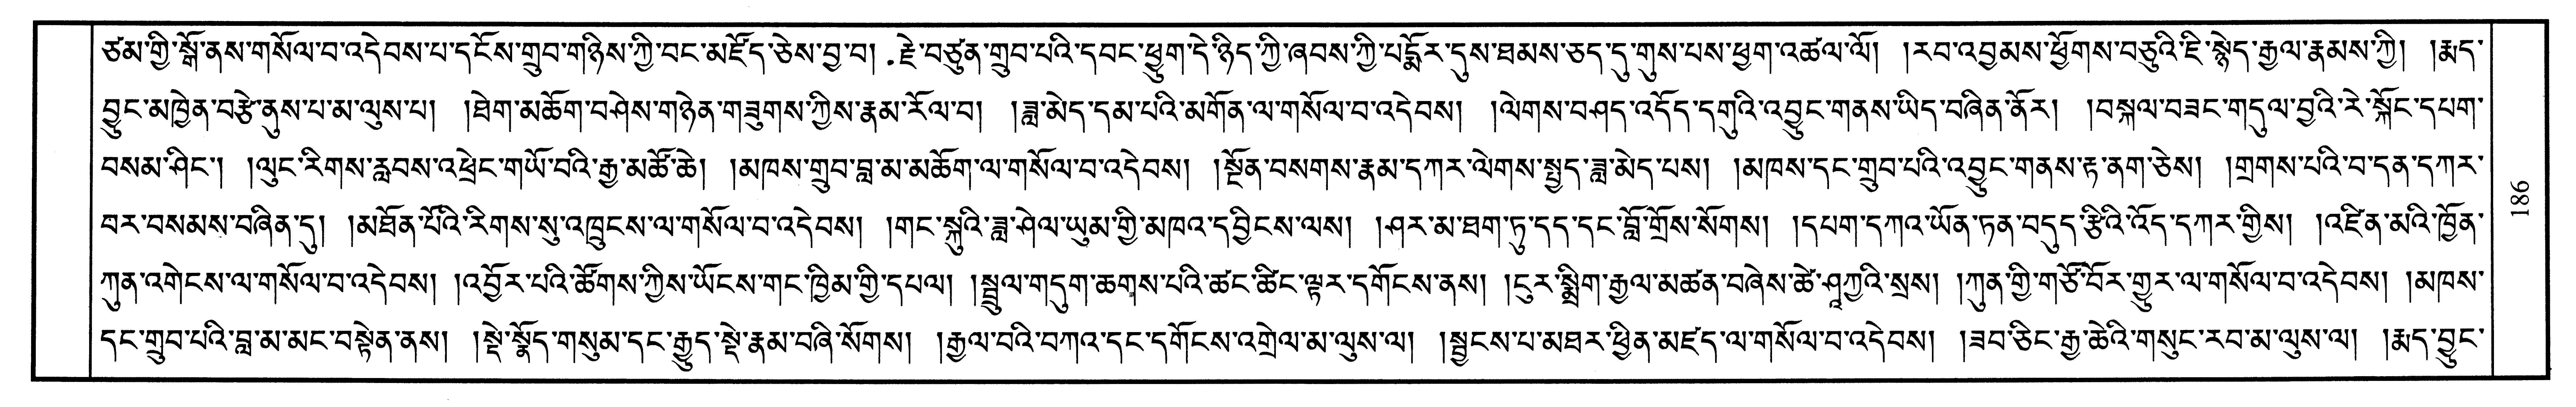ཙམ་གྱི་སྒོ་ནས་གསོལ་བ་འདེབས་པ་དངོས་གྲུབ་གཉིས་ཀྱི་བང་མཛོད་ཅེས་བྱ་བ། རྗེ་བཙུན་གྲུབ་པའི་དབང་ཕྱུག་དེ་ཉིད་ཀྱི་ཞབས་ཀྱི་པདམོར་དུས་ཐམས་ཅད་དུ་གུས་པས་ཕྱག་འཚལ་ལོ། །རབ་འབྱམས་ཕྱོགས་བཅུའི་ཇི་སྙེད་རྒྱལ་རྣམས་ཀྱི། །རྨད་
བྱུང་མཁྱེན་བརྩེ་ནུས་པ་མ་ལུས་པ། །ཐེག་མཆོག་བཤེས་གཉེན་གཟུགས་ཀྱིས་རྣམ་རོལ་བ། །ཟླ་མེད་དམ་པའི་མགོན་ལ་གསོལ་བ་འདེབས། །ལེགས་བཤད་འདོད་དགུའི་འབྱུང་གནས་ཡིད་བཞིན་ནོར། །བསྐལ་བཟང་གདུལ་བྱའི་རེ་སྐོང་དཔག་
བསམ་ཤིང་། །ལུང་རིགས་རླབས་འཕྲེང་གཡོ་བའི་རྒྱ་མཚོ་ཆེ། །མཁས་གྲུབ་བླ་མ་མཆོག་ལ་གསོལ་བ་འདེབས། །སྔོན་བསགས་རྣམ་དཀར་ལེགས་སྤྱད་ཟླ་མེད་པས། །མཁས་དང་གྲུབ་པའི་འབྱུང་གནས་རྟ་ནག་ཅེས། །གྲགས་པའི་བ་དན་དཀར་
བར་བསམས་བཞིན་དུ། །མཐོན་པོའི་རིགས་སུ་འཁྲུངས་ལ་གསོལ་བ་འདེབས། །གང་སྐུའི་ཟླ་ཤེལ་ཡུམ་གྱི་མཁའ་དབྱིངས་ལས། །ཤར་མ་ཐག་ཏུ་དད་དང་བློ་གྲོས་སོགས། །དཔག་དཀའ་ཡོན་ཏན་བདུད་རྩིའི་འོད་དཀར་གྱིས། །འཛིན་མའི་ཁྱོན་
ཀུན་འགེངས་ལ་གསོལ་བ་འདེབས། །འབྱོར་པའི་ཚོགས་ཀྱིས་ཡོངས་གང་ཁྱིམ་གྱི་དཔལ། །སྦྲུལ་གདུག་ཆགས་པའི་ཚང་ཚིང་ལྟར་དགོངས་ནས། །ངུར་སྨྲིག་རྒྱལ་མཚན་བཞེས་ཚེ་ཤཱཀྱའི་སྲས། །ཀུན་གྱི་གཙོ་བོར་གྱུར་ལ་གསོལ་བ་འདེབས། །མཁས་
དང་གྲུབ་པའི་བླ་མ་མང་བསྟེན་ནས། །སྡེ་སྣོད་གསུམ་དང་རྒྱུད་སྡེ་རྣམ་བཞི་སོགས། །རྒྱལ་བའི་བཀའ་དང་དགོངས་འགྲེལ་མ་ལུས་ལ། །སྦྱངས་པ་མཐར་ཕྱིན་མཛད་ལ་གསོལ་བ་འདེབས། །ཟབ་ཅིང་རྒྱ་ཆེའི་གསུང་རབ་མ་ལུས་ལ། །རྨད་བྱུང་